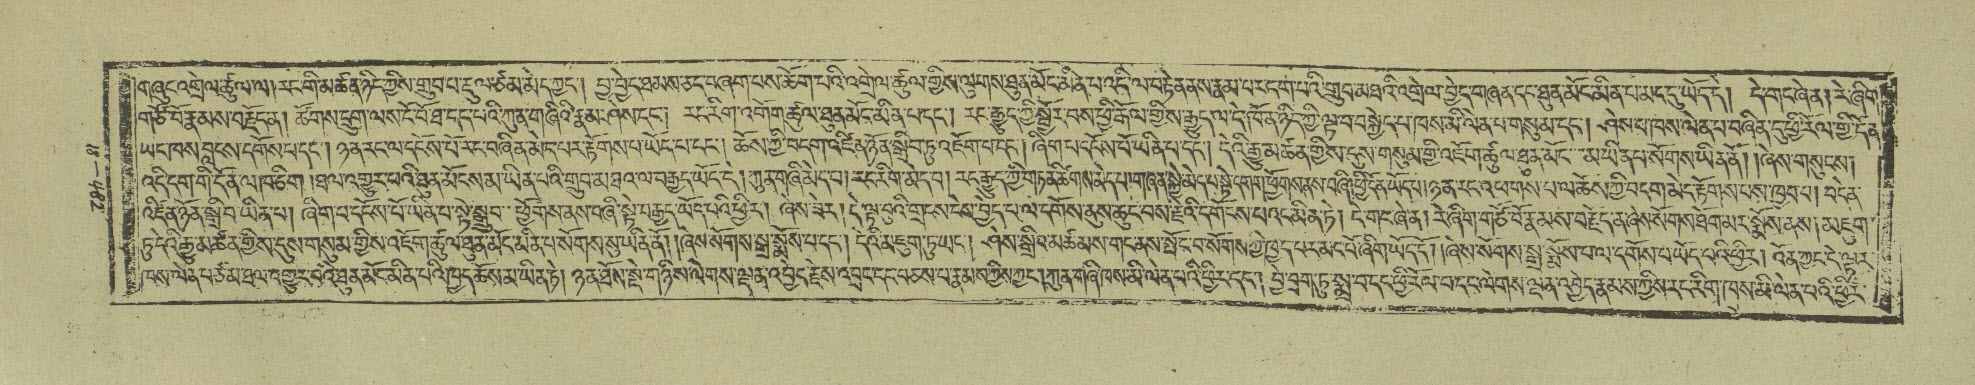གཞུང་འགྲེལ་ཚུལ་ལ། རང་གི་མཚན་ཉིད་ཀྱིས་གྲུབ་པ་རྔུལ་ཙམ་མེད་ཀྱང་། བྱ་བྱེད་ཐམས་ཅད་བཞག་པས་ཆོག་པའི་འགྲེལ་ཚུལ་གྱིས་ལུས་ཐུན་མོང་མིན་པ་འདི་ལ་བརྟེན་ནས་རྣམ་པར་དག་པའི་གྲུབ་མཐའི་འགྲེལ་བྱེད་གཞན་དང་ཐུན་མོང་མིན་པ་མང་དུ་ཡོད་དེ། དེ་གང་ཞེ་ན། རེ་ཞིག་
གཙོ་བོ་རྣམས་བརྗོད་ན། ཚོགས་དྲུག་ལས་ངོ་བོ་ཐ་དད་པའི་ཀུན་གཞིའི་རྣམ་ཤེས་དང་། རང་རིག་འགོག་ཚུལ་ཐུན་མོང་མིན་པ་དང་། རང་རྒྱུད་ཀྱི་སྦྱོར་བས་ཕྱི་རྒོལ་གྱིས་རྒྱུད་ལ་དེ་ཁོ་ན་ཉིད་ཀྱི་ལྟ་བ་བསྐྱེད་པ་ཁས་མི་ལེན་པ་གསུམ་དང་། ཤེས་པ་ཁས་ལེན་པ་བཞིན་དུ་ཕྱི་རོལ་གྱི་དོན་
ཡང་། ཁས་བླངས་དགོས་པ་དང་། ཉན་རང་ལ་དངོས་པོ་རང་བཞིན་མེད་པར་རྟོགས་པ་ཡོད་པ་དང་། ཆོས་ཀྱི་བདག་འཛིན་ཉོན་སྒྲིབ་ཏུ་འཇོག་པ་དང་། ཞིག་པ་དངོས་པོ་ཡིན་པ་དང་། དེའི་རྒྱུ་མཚན་གྱིས་དུས་གསུམ་གྱི་འཇོག་ཚུལ་ཐུན་མོང་མ་ཡིན་པ་སོགས་ཡིན་ནོ། །ཞེས་གསུངས།
འདི་དག་གི་དོན་ལ་ཁ་ཅིག །ཐལ་འགྱུར་པའི་ཐུན་མོངས་མ་ཡིན་པའི་གྲུབ་མཐའ་ལ་བརྒྱད་ཡོད་དེ། ཀུན་གཞི་མེད་པ། རང་རིག་མེད་པ། རང་རྒྱུད་ཀྱི་གཏན་ཚིགས་མེད་པ་གཞན་སྐྱེ་མེད་པ་སྟེ་ཨི་
ཕྱོགས་ནས་བཞི། ཕྱི་དོན་ཡོད་པ། ཉན་རང་འཕགས་པ་ལ་ཆོས་ཀྱི་བདག་མེད་རྟོགས་པས་ཁྱབ་པ། བདེན་
འཛིན་ཉོན་སྒྲིབ་ཡིན་པ། ཞིག་པ་དངོས་པོ་ཡིན་པ་སྟེ་སྒྲུབ་ཕྱོགས་ནས་བཞི་སྟེ་བརྒྱད་ཡོད་པའི་ཕྱིར། ཞེས་ཟེར། དེ་ལྟ་བུའི་གྲངས་ངེས་བྱེད་པ་ལ་དགོས་ནུས་ཆུང་བས་རྗེའི་དགོངས་པའང་མིན་ཏེ། དེ་གང་ཞེ་ན། རེ་ཞིག་གཙོ་བོ་རྣམས་བརྗོད་ན་ཞེས་སོགས་ཐོག་མར་སྨོས་ནས། མཇུག་
ཏུ་དེའི་རྒྱུ་མཚན་གྱིས་དུས་གསུམ་གྱིས་འཇོག་ཚུལ་ཐུན་མོང་མིན་པ་སོགས་སུ་ཡིན་ནོ། །ཞེས་སོགས་སྒྲ་སྨོས་པ་དང་། དེའི་མཇུག་ཏུ་ཡང་། ཤེས་སྒྲིབ་མཚམས་གང་ནས་སྤོང་བ་སོགས་ཀྱི་ཁྱད་པར་མང་པོ་ཞིག་ཡོད་དོ། །ཞེས་སོགས་སྒྲ་སྨོས་པ་ལ་དགོས་པ་ཡོད་པའི་ཕྱིར། འོན་ཀྱང་དེ་ལྟར་
ཁས་ལེན་པ་ཙམ་ཐལ་འགྱུར་བའི་ཐུན་མོང་མིན་པའི་ཁྱད་ཆོས་མ་ཡིན་ཏེ། ཉན་ཐོས་སྡེ་གཉིས་ལེགས་ལྡན་འབྱེད་རྗེས་འབྲང་དང་བཅས་པ་རྣམས་ཀྱིས་ཀྱང་། ཀུན་གཞི་ཁས་མི་ལེན་པའི་ཕྱིར་དང་། བྱེ་བྲག་ཏུ་སྨྲ་བ་དང་ཕྱི་རོལ་བ་དང་ལེགས་ལྡན་འབྱེད་རྣམས་ཀྱིས་རང་རིག་ཁས་མི་ལེན་པའི་ཕྱིར་